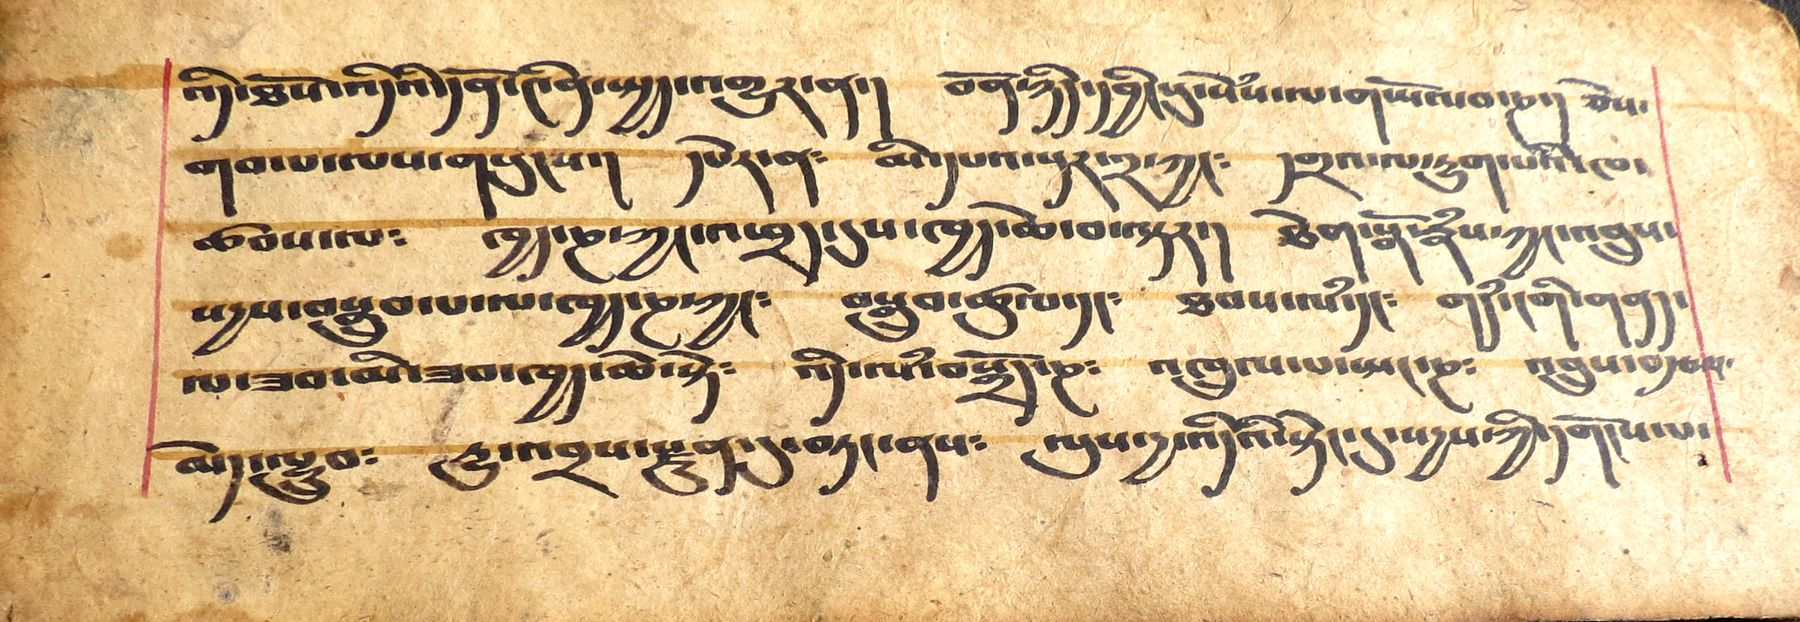འདི་ཐོས་འདིའི་དོན་བཞིན་སྤྱད་གྱུར་ན། བོན་ཉིད་དབྱིངས་སུ་སེམས་ལ་གཡོ་བ་མེད། ཅེས་
གབ་པ་ལས་གསུངས། དཔེར་ན་མི་དཔའ་སྡར་གཉིས་ཀྱང་། དགྲ་ལ་རྒྱུག་པའི་ཁ་
ཚབ་ལ་ཁྱད་མེད་ཀྱང་། འཐབ་དུས་ཁྱད་ཆེ་བ་ལྟར། ཐེག་སྒོ་རྣམས་འབྲས་བུ་
སངས་རྒྱས་བསྒྲུབ་པ་ལ་ཁྱད་མེད་ཀྱང་། སྒྲུབ་ཚུལ་དང་ཐབས་ལམ་དང་གདམས་ངག་གི་གནད་
ལ་ཟབ་མི་ཟབ་ཁྱད་ཆེ་སྟེ། འདི་ལམ་བགྲོད་མེད། འཁྲུལ་པ་སྤང་མེད། འབྲས་བུ་རྩལ་
མེད་དུ་ལྷུན་གྲུབ། རྒྱུ་འབྲས་རྫུན་དུ་བཏང་ནས། ལུས་རྒྱ་འདིའི་སྟེང་དུ་སངས་རྒྱས་ཀྱི་དགོངས་པ་